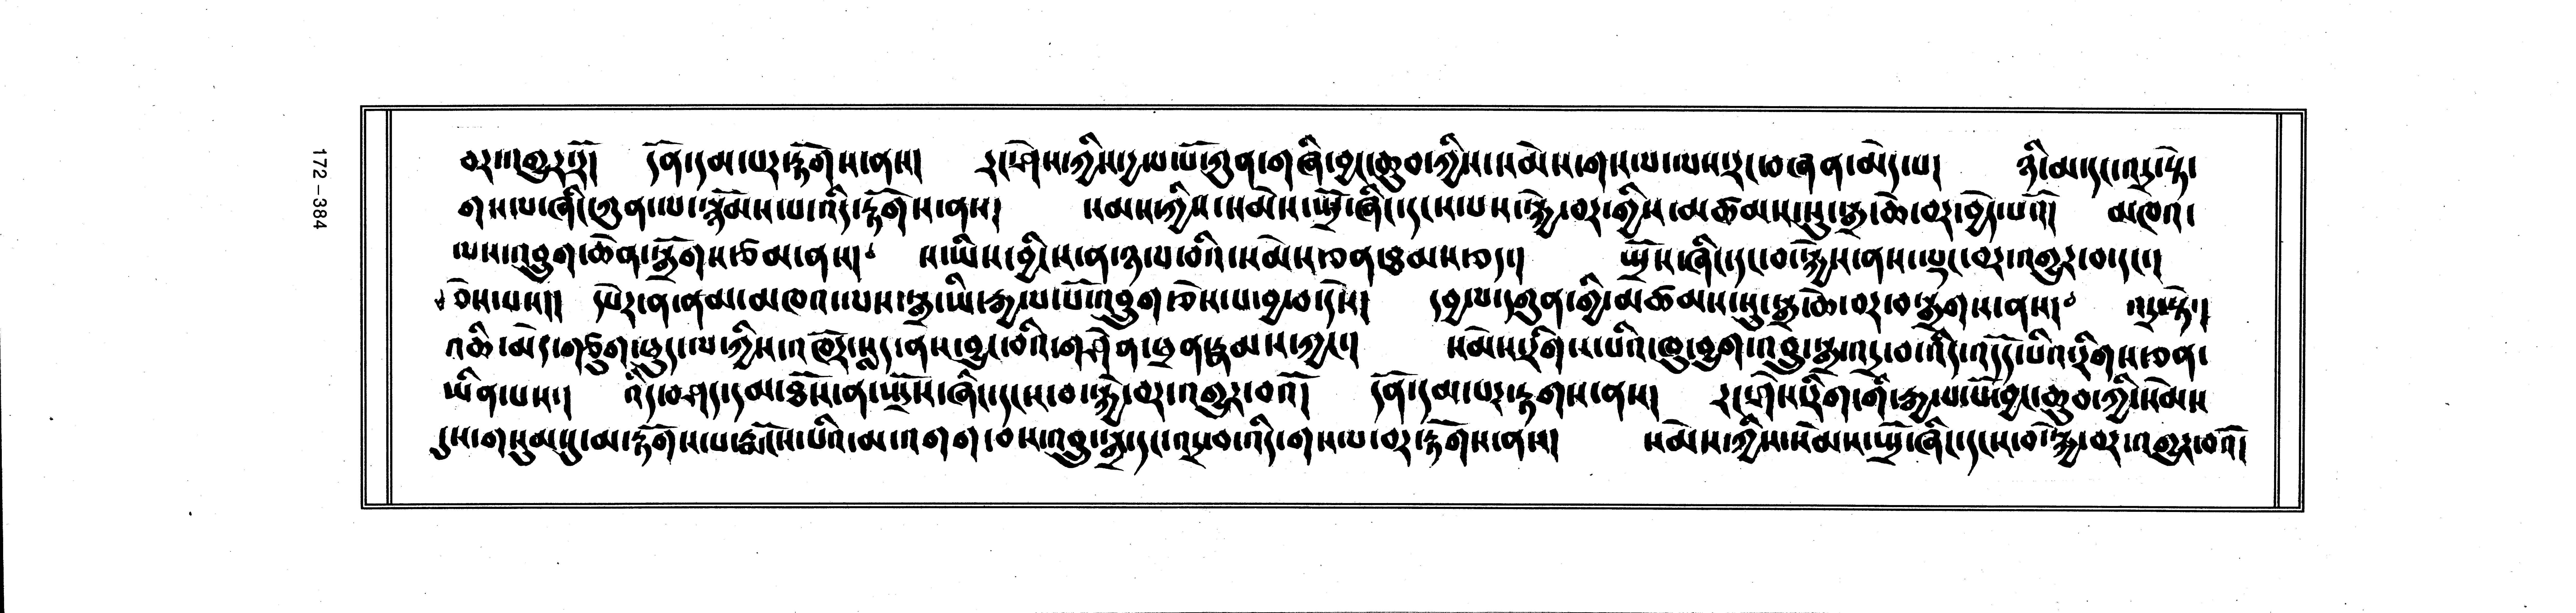བར་འགྱུར་རོ། དོན་དམ་པར་རྟོགས་ནས། རང་ཤེས་ཀྱིས་རྒྱལ་པོ་ཀུན་གཞི་བྱང་ཆུབ་ཀྱིས་སེམས་གསལ་ལས་རང་བཞིན་མེད་པ། ཉི་མ་དང་འདྲ་སྟེ་
གསལ་ཞིང་ཀུན་ལ་སྙོམས་པ་འདི་རྟོགས་ནས། སེམས་ཀྱིས་སེམས་སྤྲོ་ཞིང་དྭངས་པས་སྐྱེ་བར་གྱིས་མཚམས་སུ་སྒྲ་ཆེ་བར་བྱེད་པའོ། མཁའ་
ལས་འབྲུག་ཆེན་སྒྲོག་ཙམ་ནས་ ས་ཡིས་དབྱིངས་ན་ཉལ་བའི་སེམས་ཅན་ཐམས་ཅད། སྤྲོས་ཞིང་དྭངས་བ་སྐྱེས་ནས་ལྡང་བར་འགྱུར་བ་དང་
ཅེས་པས། དཔེར་ན་ནམ་མཁའ་ལས་སྒྲ་ཡི་རྒྱལ་པོ་འབྲུག་ཅེས་པ་བྱ་བ་དེས། དབྱལ་དགུན་གྱི་མཚམས་སུ་སྒྲ་ཆེ་བར་བསྒྲགས་ནས། འདྲ་སྟེ་ །
འཆི་མེད་གཙུག་ཕུད་ཀྱིས་འཁོར་སླད་ནས་བྱུང་བའི་གཤེན་ཕྲན་རྣམས་ཀྱང་། སེམས་རིག་པའི་ཁུ་བྱུག་འབྲུ་སྒྲ་འདྲ་བ་འདི་འདོད་པའི་རིགས་ཅན་
ཡིན་པས། འདི་བཤད་དམ་ཐོས་ན་སྤྲོས་ཞིང་དྭངས་བ་སྐྱེ་བར་འགྱུར་བའོ། དོན་དམ་པར་རྟགས་ནས། རང་ཤེས་རིག་གི་རྒྱལ་པོ་བྱང་ཆུབ་ཀྱི་སེམས་
དུས་གསུམ་དུ་མ་རྟོགས་པ་རྨོངས་པའི་མ་འགག་བས་འབྲུ་སྒྲ་དང་འདྲ་བ་འདི་གསལ་བར་རྟོགས་ནས། སེམས་ཀྱིས་སེམས་སྤྲོ་ཞིང་དྭངས་བ་སྐྱེ་བར་འགྱུར་བའོ།